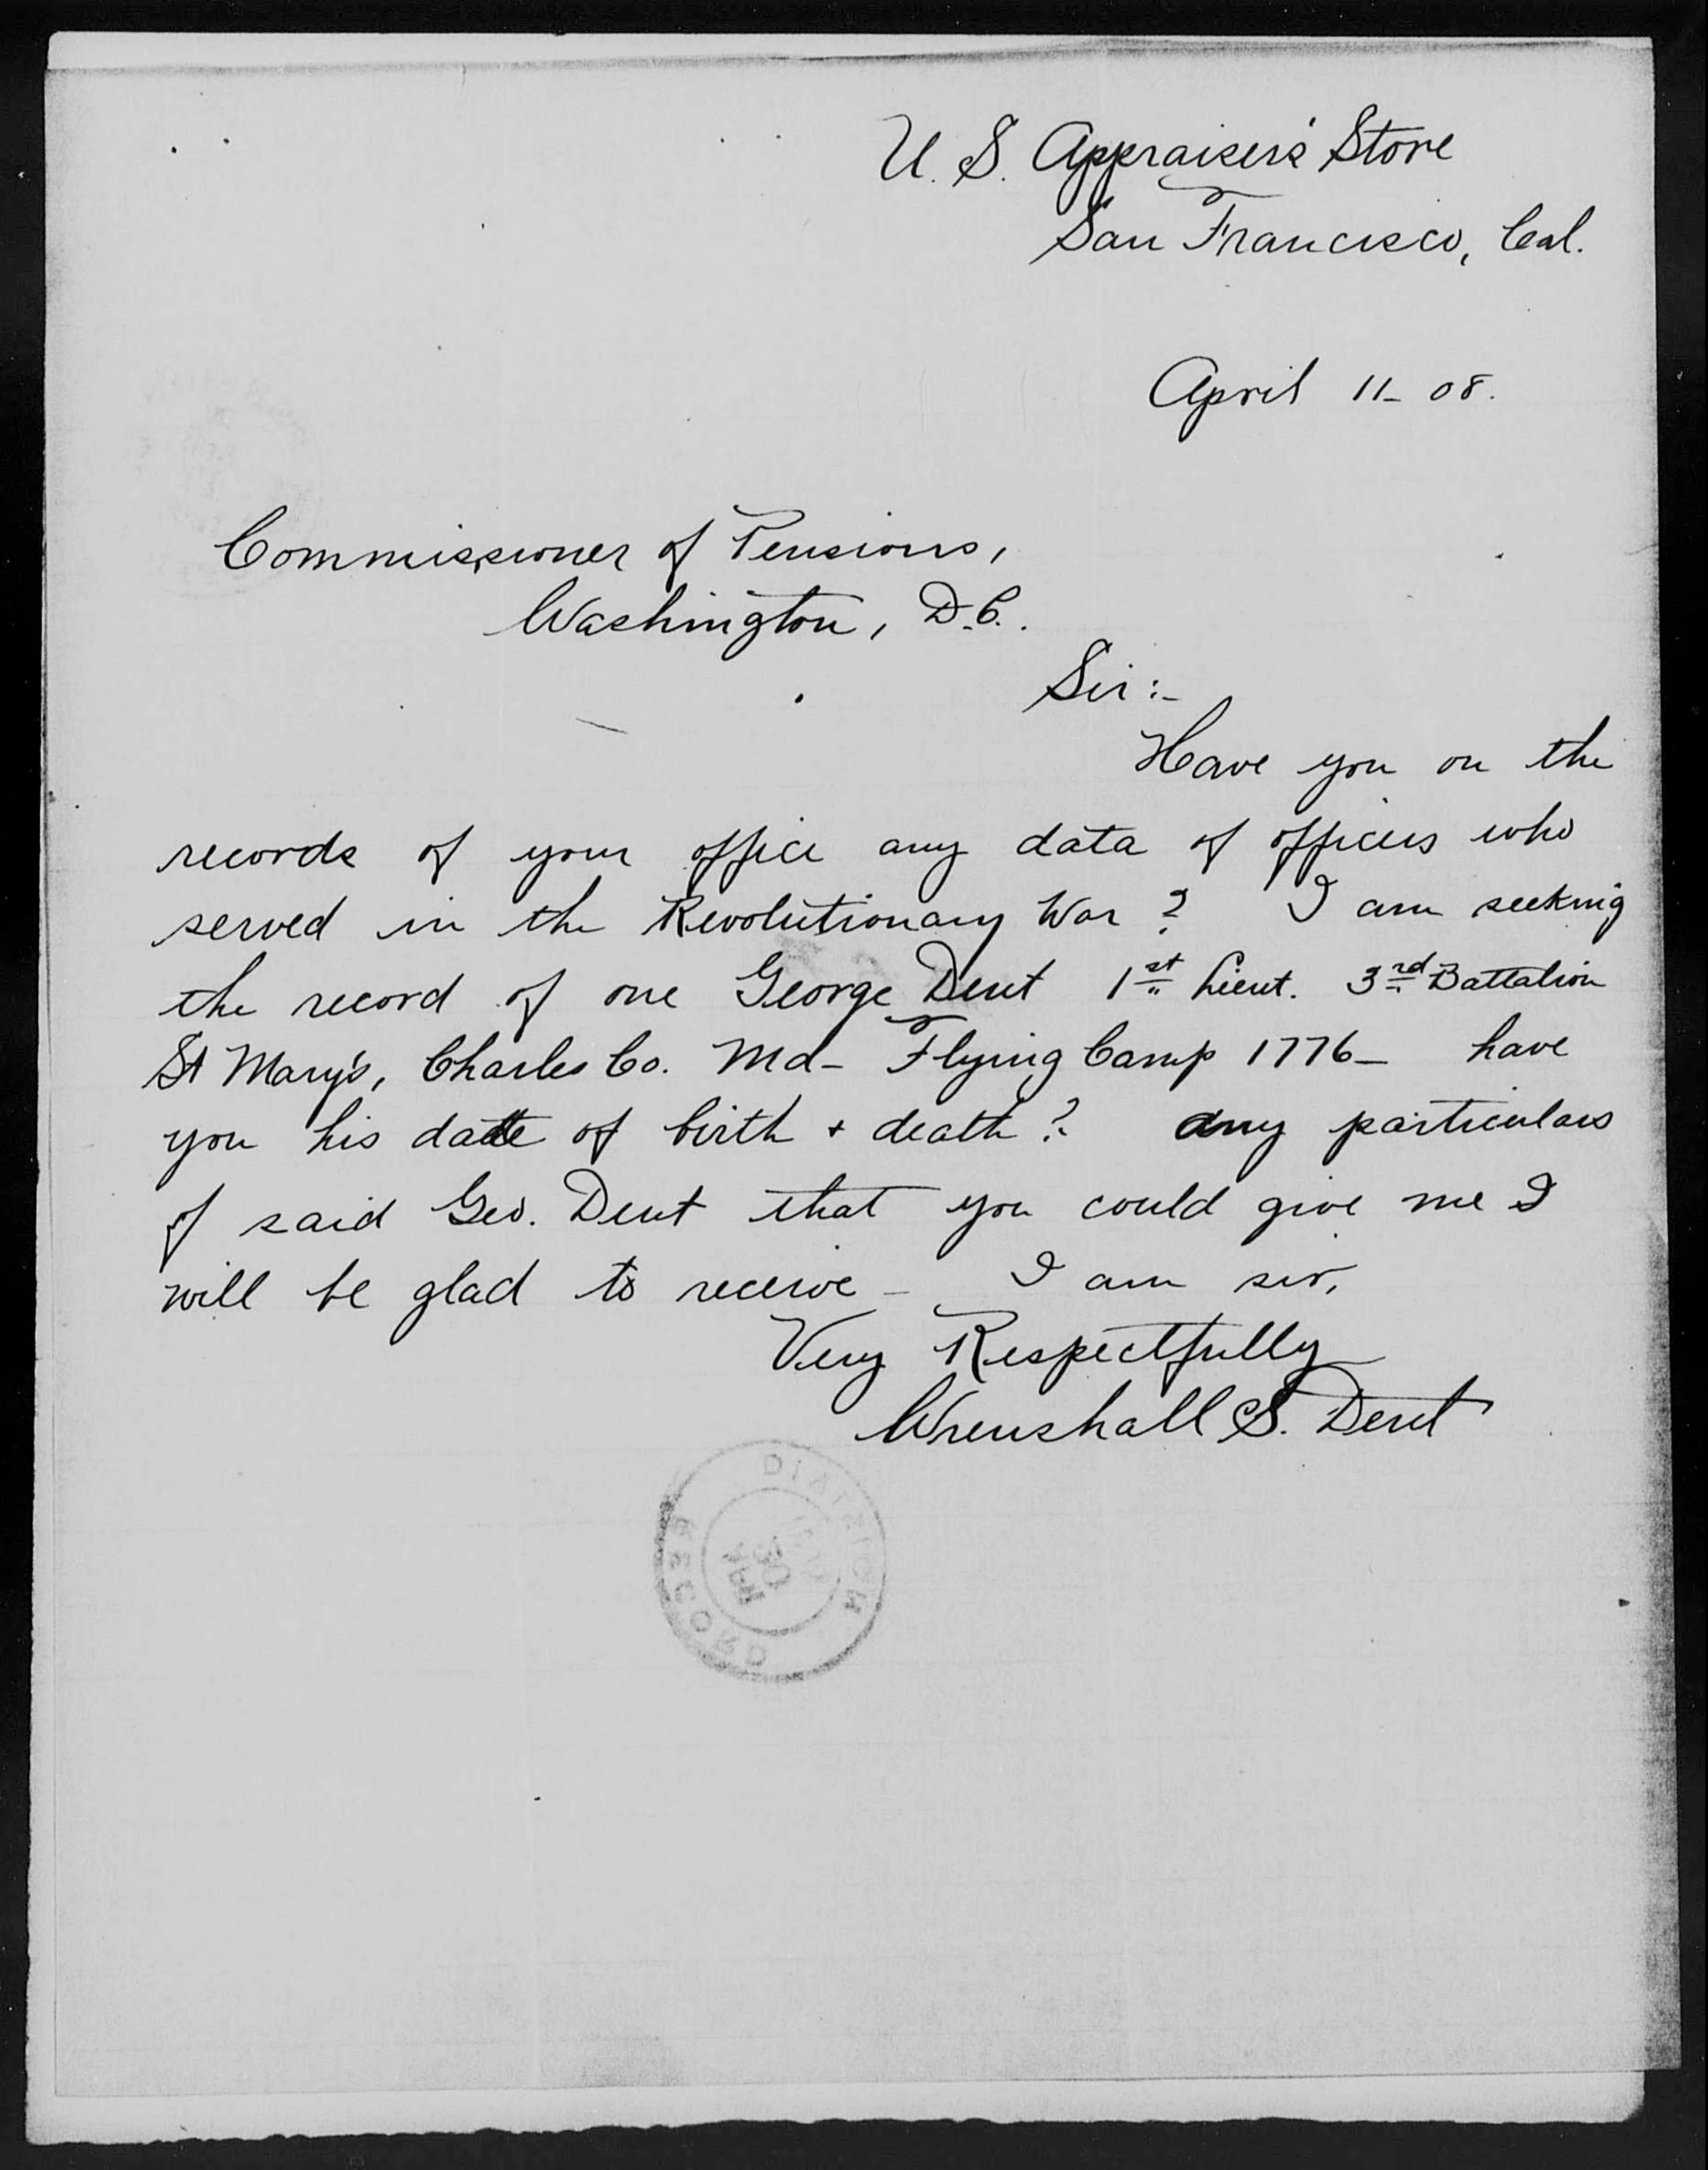[handwritten note]
U.S. Appraisers Store
San Francisco, Cal.
April 11_08

Commissioner of Pensions,
Washington D. C.
Sir:-  Have you on the records of your office any data of officers who served in the Revolutionary War?  I am seeking the record of one George Dent 1st Lieut. 3rd Battalion St. Mary's Charles Co. Md-  Flying Camp 1776- have you his date of birth & death?  Any particulars of said Geo. Dent that you could give me I will be glad to receive- I am sir Very Respectfully Wrenshall S. Dent
[faded stamp at bottom of page, illegible]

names: George Dent, Geo Dent, Wrenshall S Dent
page: 34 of 49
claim: survivor's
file: S. 12755, George Dent, Md.